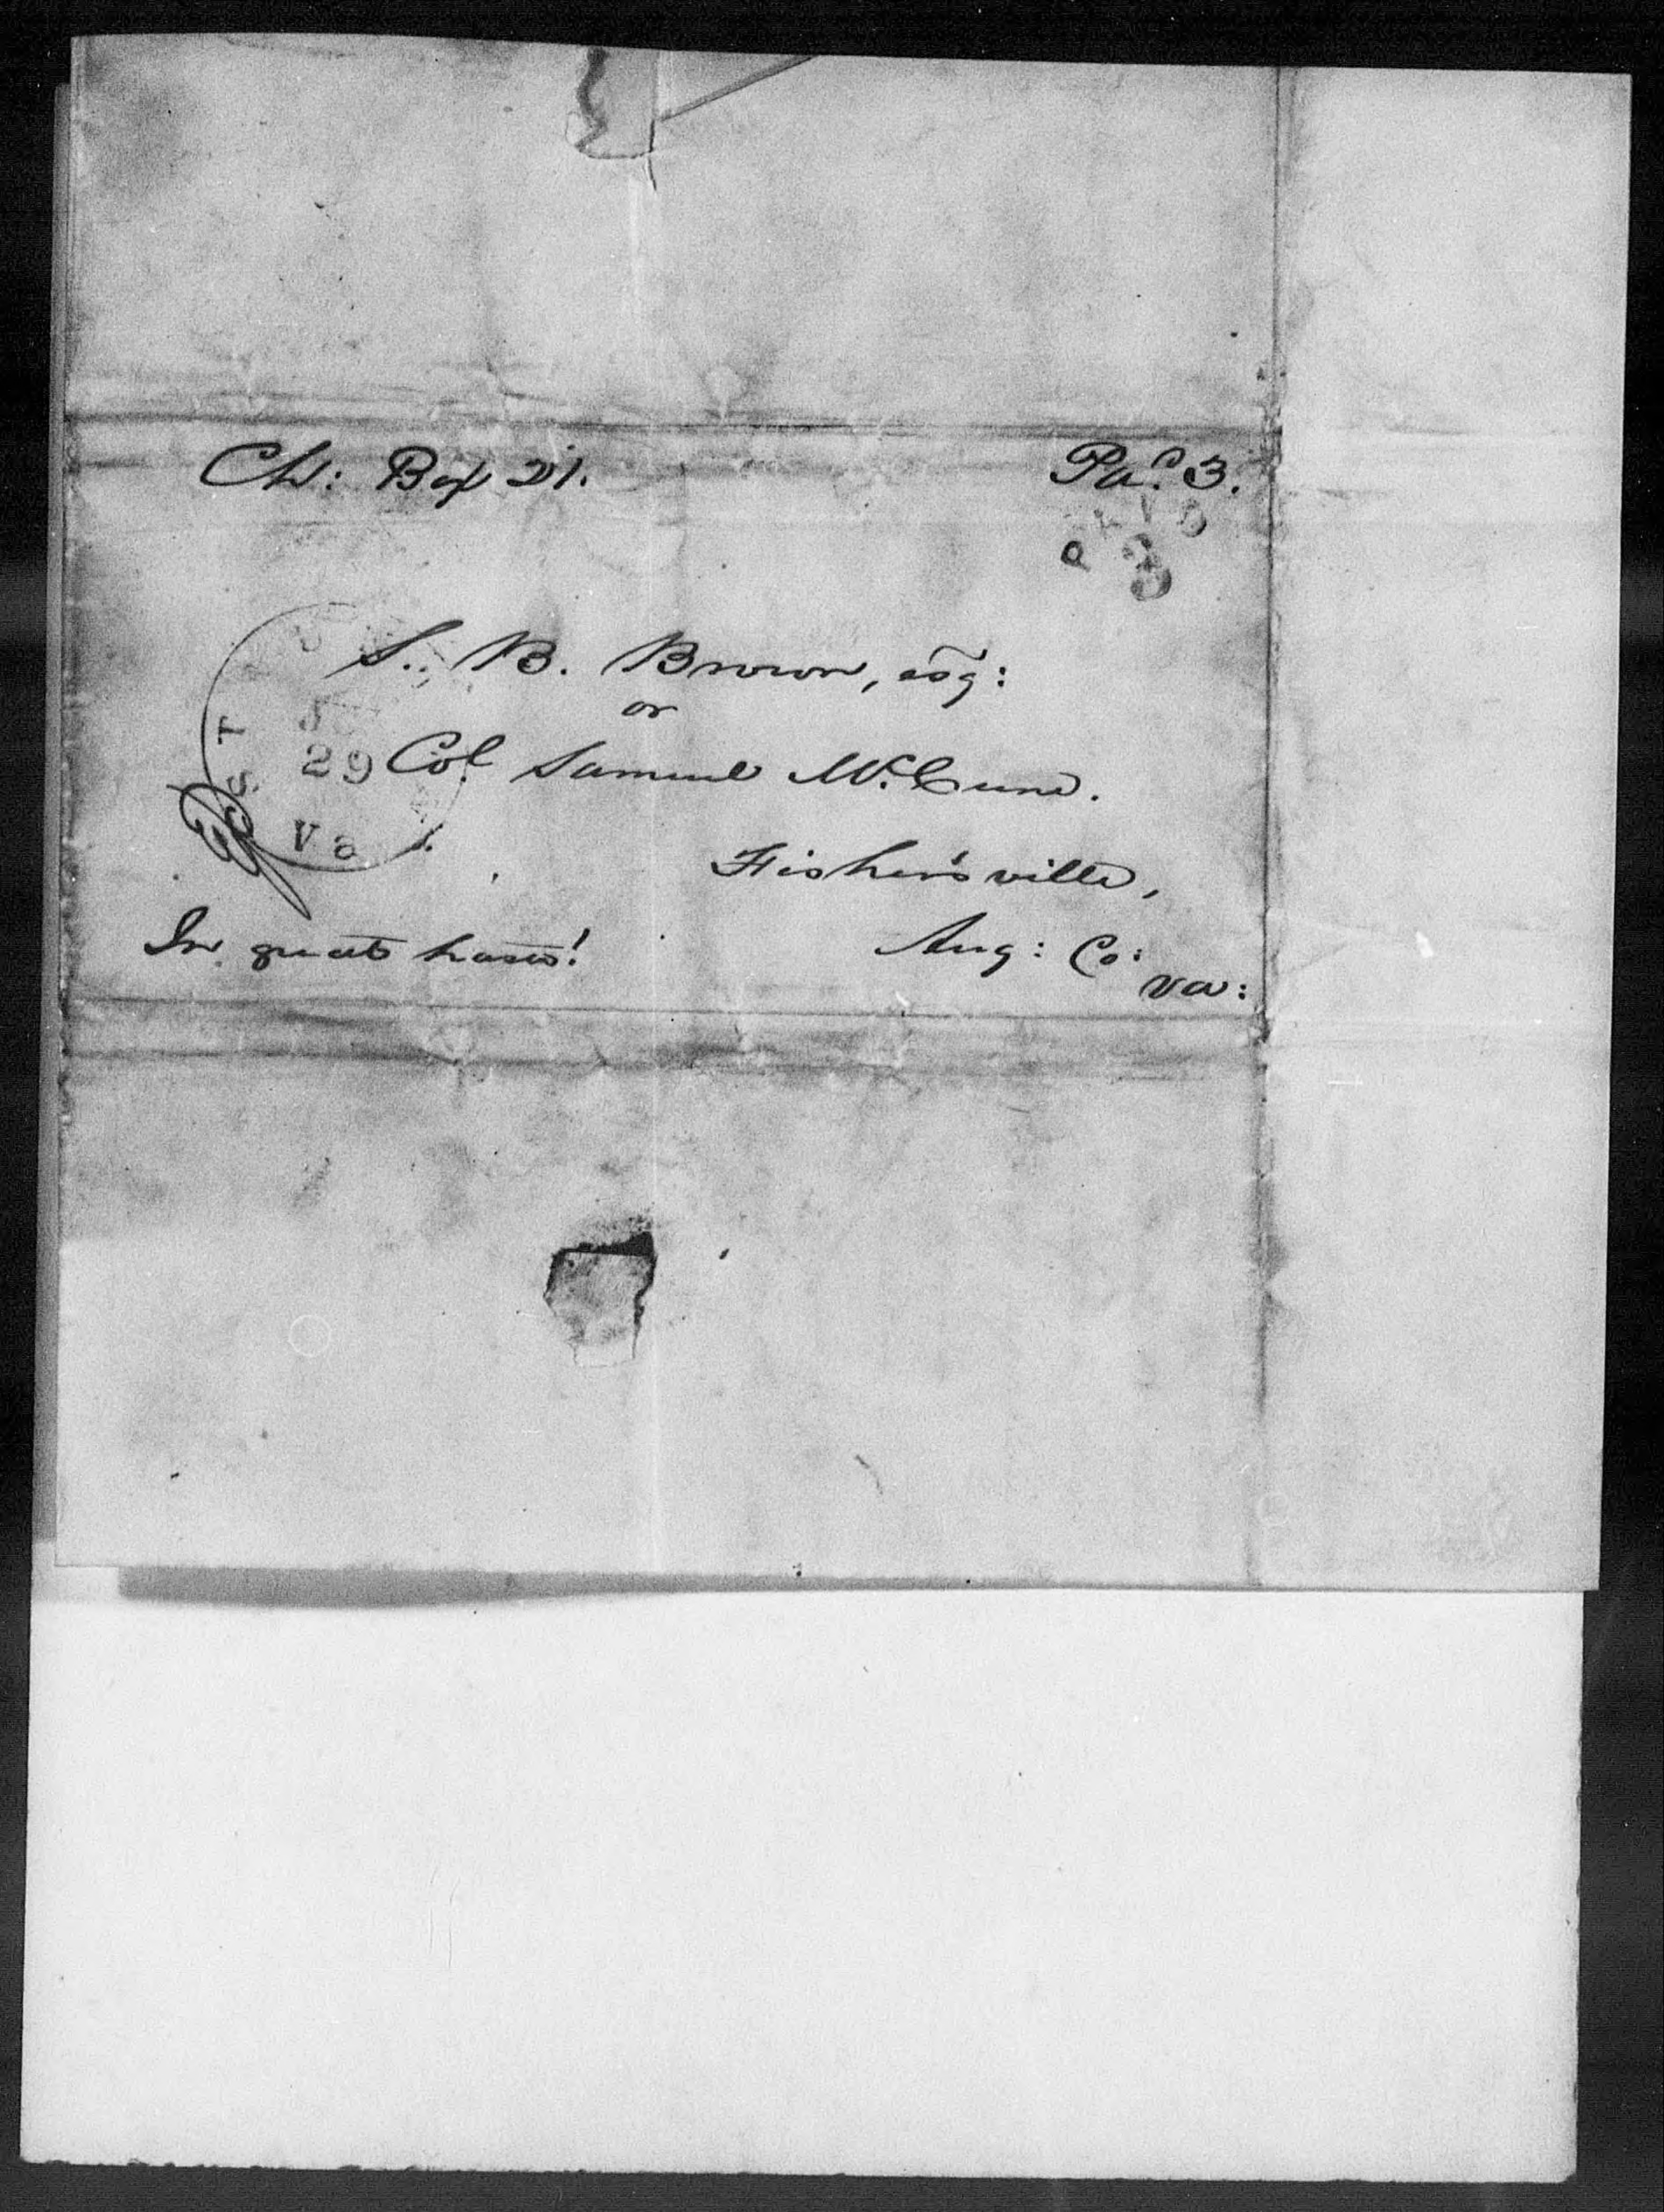Ch: Box 21.

Pa.d 3.

PAID 3 [ink stamp]

S. B. Brown, esq:
Col. Samuel McCune.
Fishersville,
Aug: Co: Va:

In great haste!

STAUNTON Va.
[illegible] 29 [ink stamp]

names: Samuel Mc Cune, S B Brown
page: 38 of 71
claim: widow's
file: W. 25310, Claudius Buster, Va.